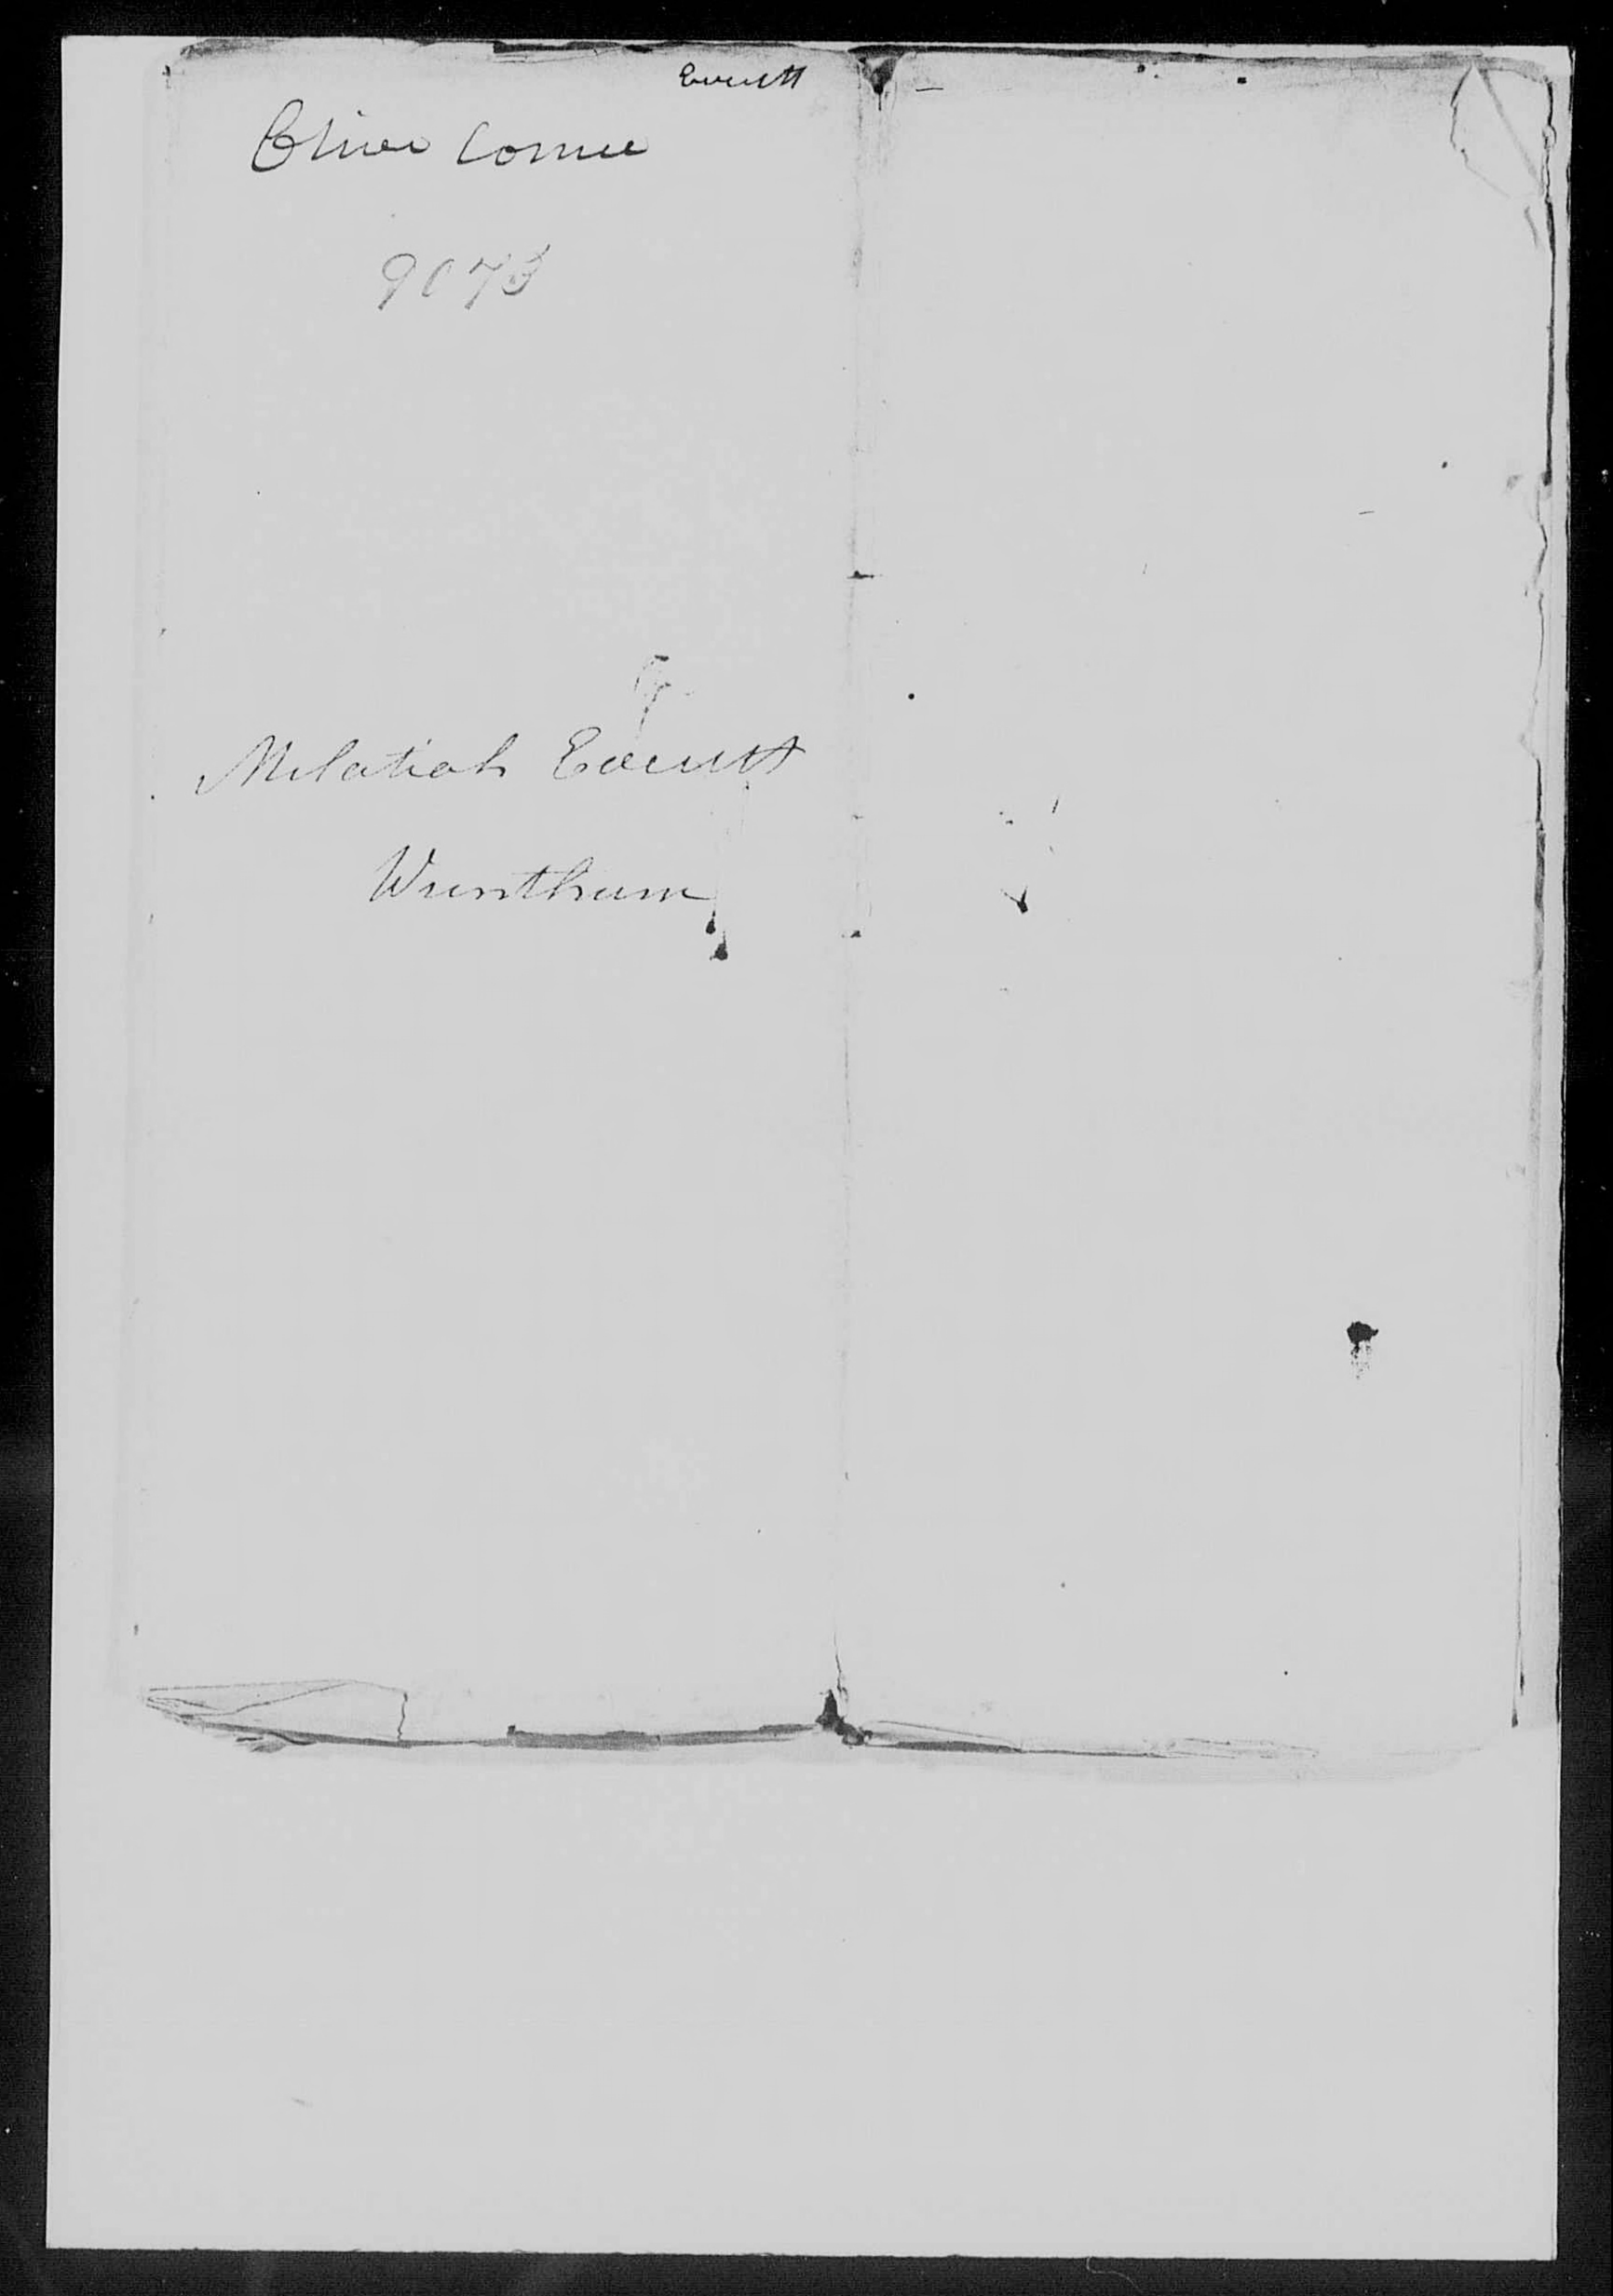Oliver Cree
9073
Melatiah Everett
 Wrentham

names: Melatiah Everett, Everett, Oliver Comee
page: 4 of 45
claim: widow's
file: W. 14,567, Oliver Comee, Mass.